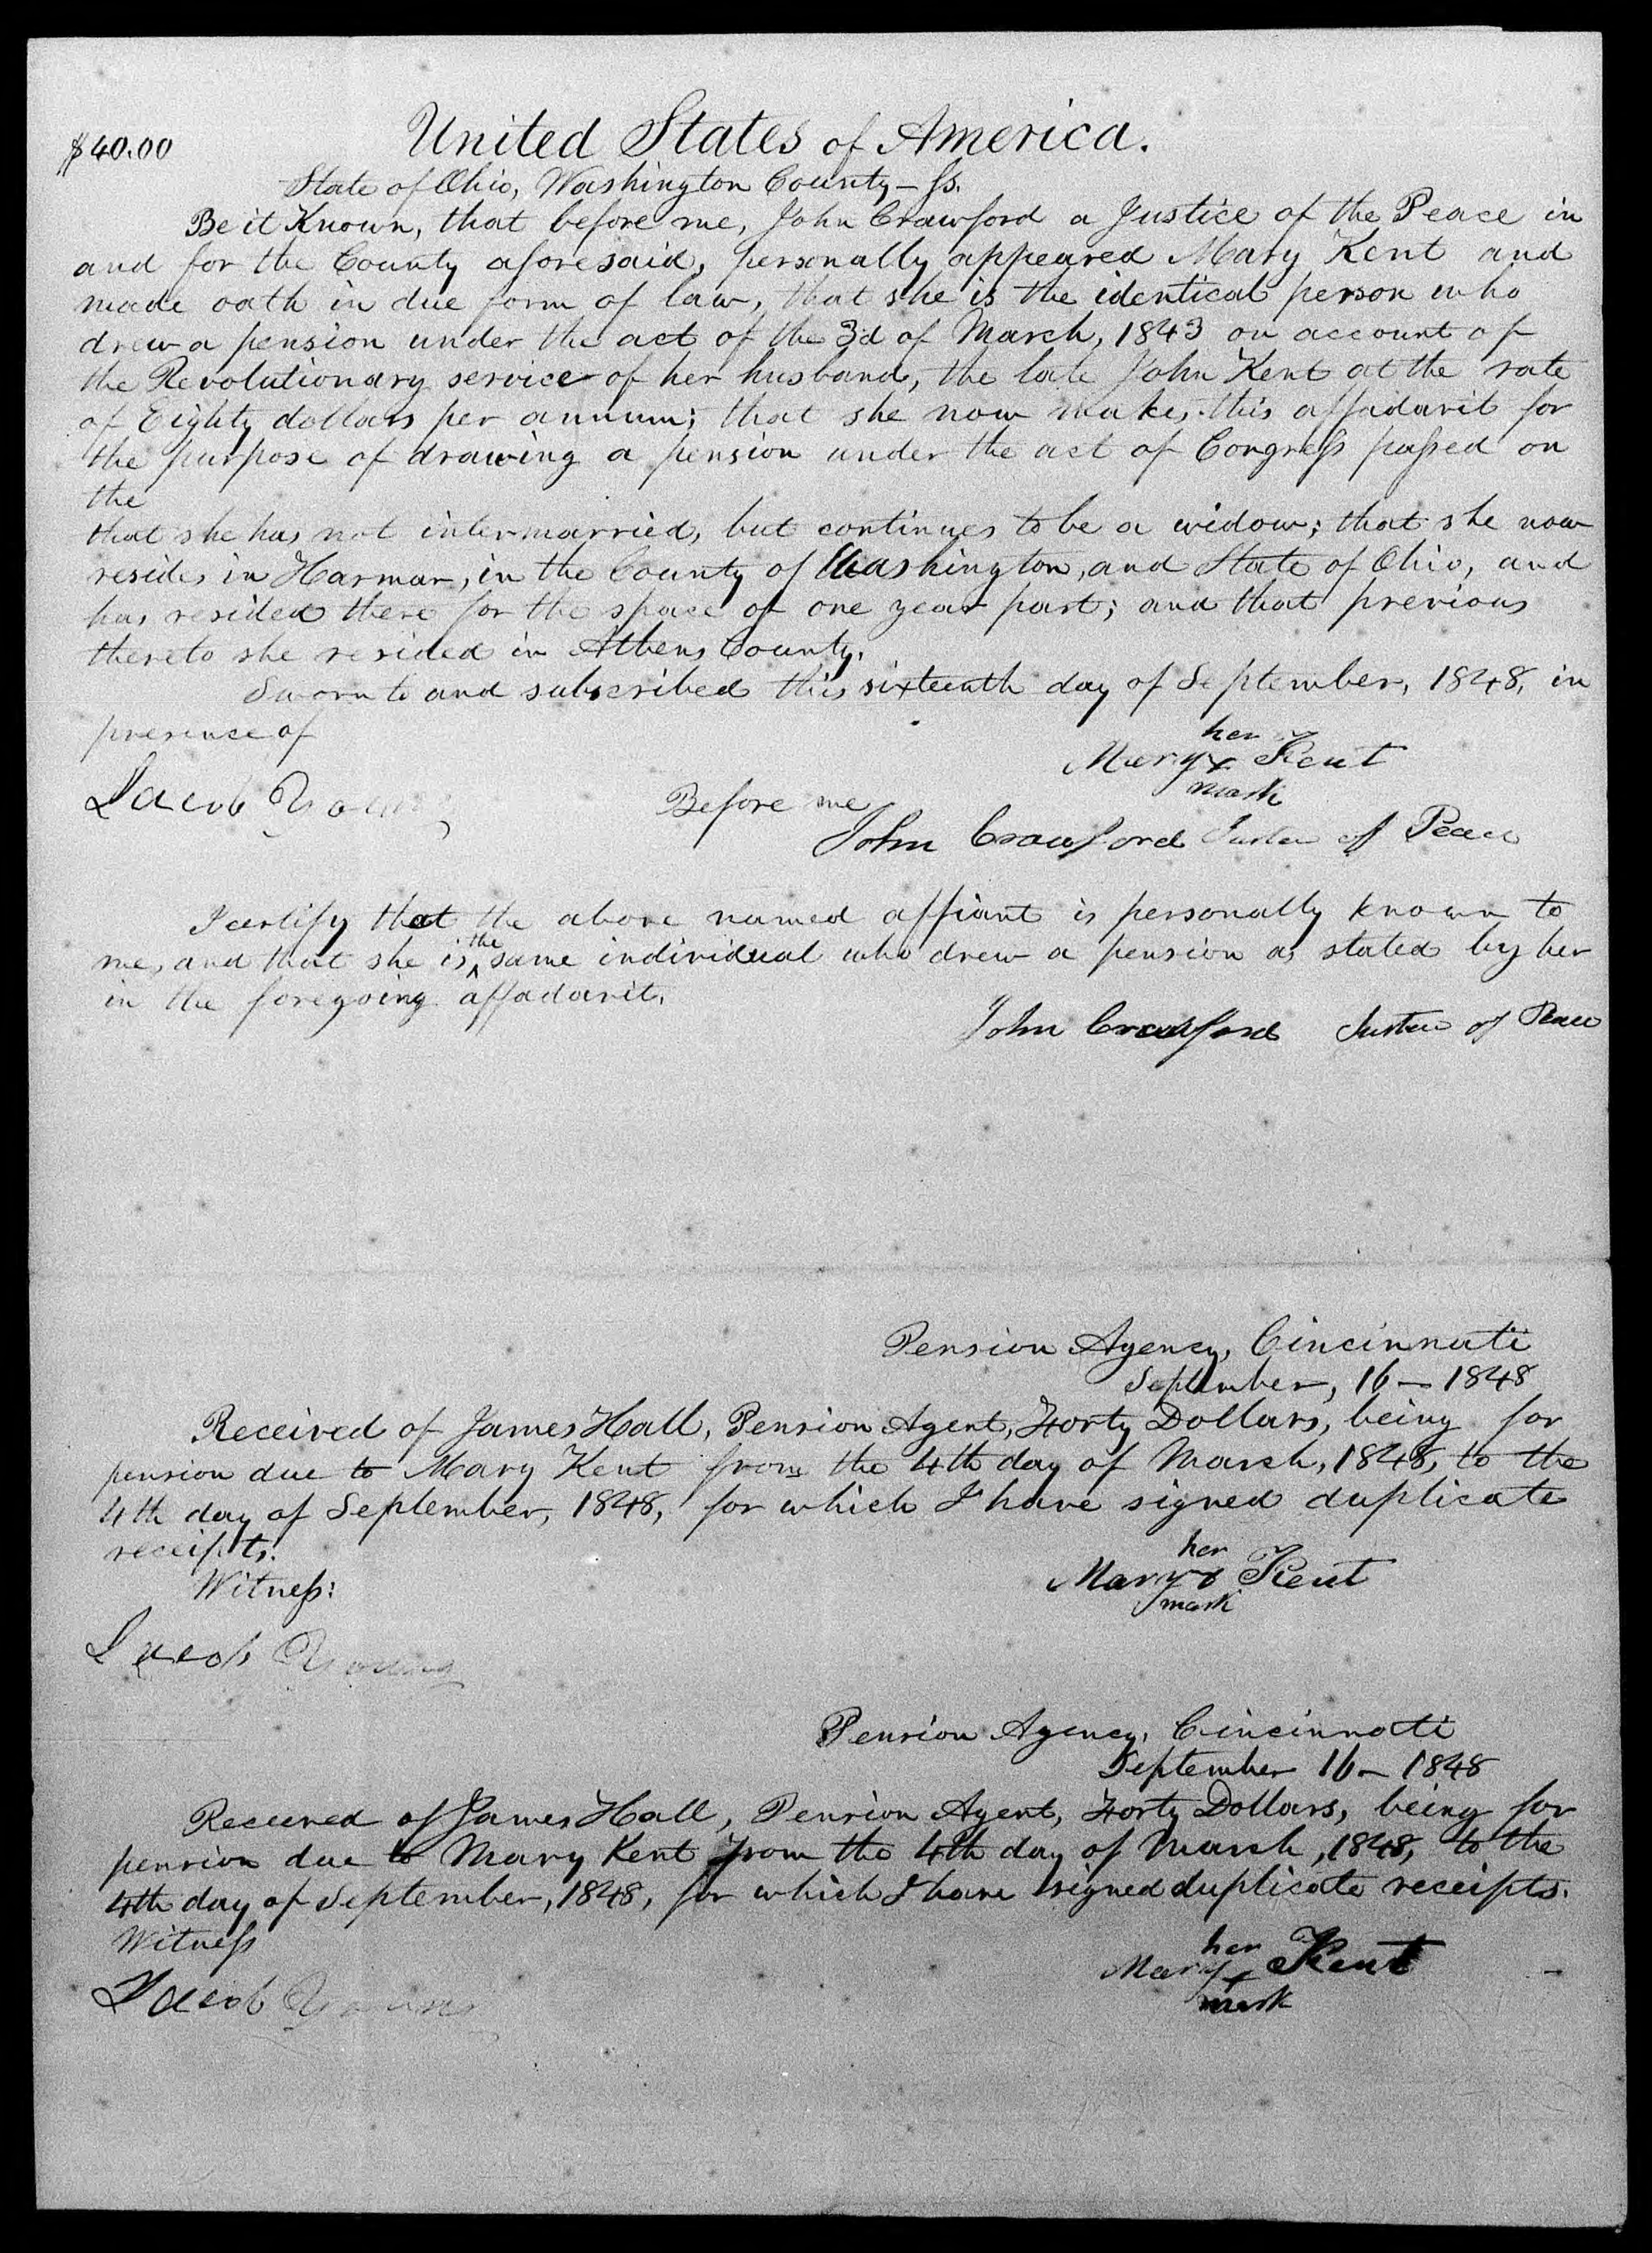$40.00

United States of American.
State of Ohio, Washington County - fs.
Be it known, that before me, John Crawford a Justice of the Peace in and for the Count aforesaid, personally appeared, Mary Kent and made oath in due form of law, that she is the identical person who drew a pension under the act of the 3d of March, 1843 on account of the Revolutionary service of her husband, the late John Kent at the rate of Eighty dollars per annum; that she now makes this affidavit for the purpose of drawing a pension under the act of Congrefs pafsed on the  ____ that she has not intermarried, but continues to be a widow; that she now resides in Harmar, in the County of Washington, and State of Ohio, and has resided there for the space of one year past; and that previous thereto she resided in Athens County,
Sworn to and subscribed this sixteenth day of September, 1848 in presence of Jacob Young
Mary Kent (her x mark)
Before me
John Crawford Justice of Peace

I certify that the above named affiant is personally known to me and that she is the same individual who drew a pension as stated by her in the foregoing affidavit.
John Crawford Justice of Peace

Pension Agency, Cincinnati
September 16 - 1848
Received of James Hall, Pension Agent, Forty Dollars, being for pension due to Mary Kent from the 4th day of March, 1848, to the 4th day of September, 1848, for which I have signed duplicate receipts.
Witnefs:
Jacob Young
Mary Kent (her x mark)

Pension Agency, Cincinnati
September 16 - 1848
Received of James Hall, Pension Agent, Forty Dollars, being for pension due to Mary Kent from the 4th day of March, 1848 to the 4th day of September, 1848, for which I have signed duplicate receipts.
Witnefs
Jacob Young
Mary Kent (her x mark)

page: 47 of 50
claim: widow's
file: W. 4253, for John Kent, Vermont